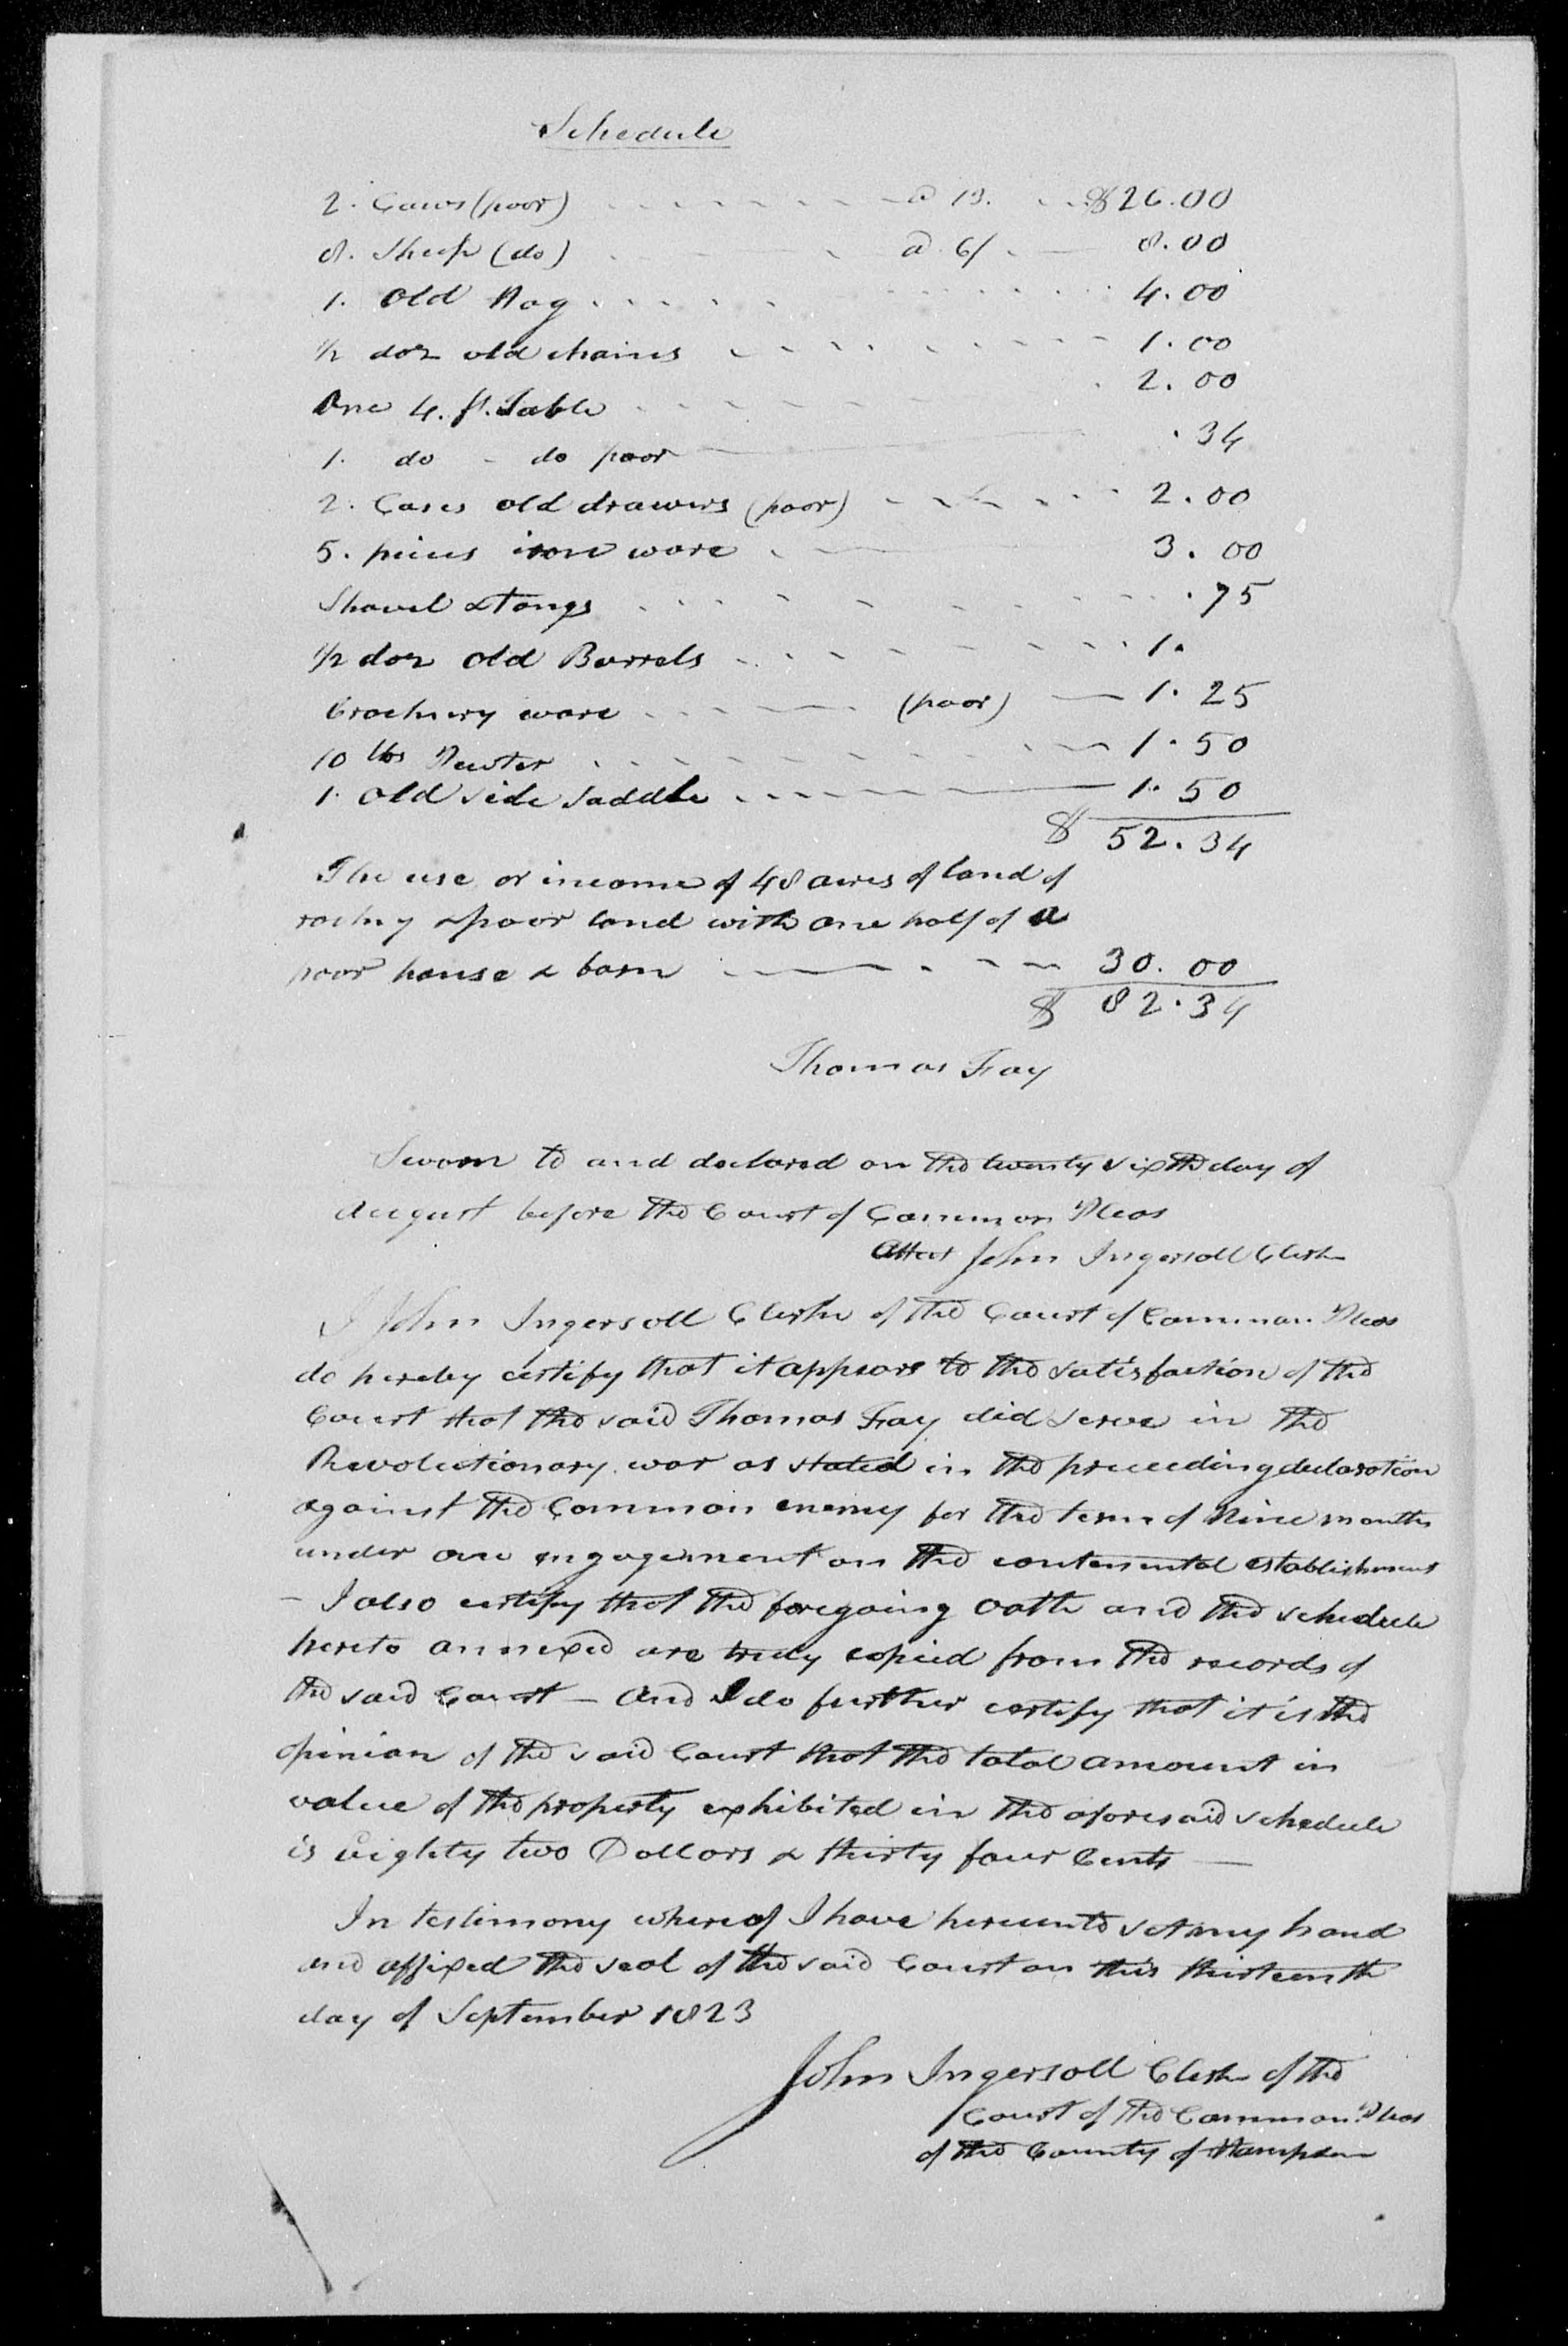Schedule

2 cows (poor) @13. $26.00
(?)  Sheep (poor) @6/  8.00
1 Old Hog   4.00
1/2 doz  old chains   1.00
One 4 ft. Table   2. 00
1 do - do poor   .36
2 Cases old drawers (poor)   2.00
5. peices iron  ware  3. 00
Shovel & tongs   .75
1/2 dor old Barrels  1.
Crockery ware (poor) - 1.25
10 lbs. Pewter   1.50
1 old side saddle  1.50
$52.34

The use or income of 48 acres of land of
 toiling poor land with one half of poor house a born --- 30. 00
$82.34

Thomas Fay

Sworn to and declared on the twenty sixth day of August before the Court of Common Pleas
Attest John Ingersoll Clerk

I John Ingersoll Clerk of the Court of Common Pleas do hereby certify that it appears to the satisfaction of the Court that the said Thomas Fay did serve in the Revolutionary war as stated in the preceeding declaration against the common enemy for the term of nine months
under one engagement on the continental establishment

I also certify that the foregoing oath and the schedule hereto annexed are truly copied from the records of the said Court - And I do further certify that it is the opinion of the said Court that the total amount in value of the property exhibited in the aforesaid schedule is Eighty two Dollars & thirty four cents

In testimony whereof I have hereunto set my hand and affixed the seal of the said Court on this thirteenth day of September 1823
John Ingersoll Clerk of the
Court of the Common Pleas 
of the County of Hampdon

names: John Ingersoll, Thomas Fay, John Ingersoll, John Ingersoll, Thomas Fay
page: 23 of 31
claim: survivor's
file: S. 34,839, Thomas Fay, Mass.